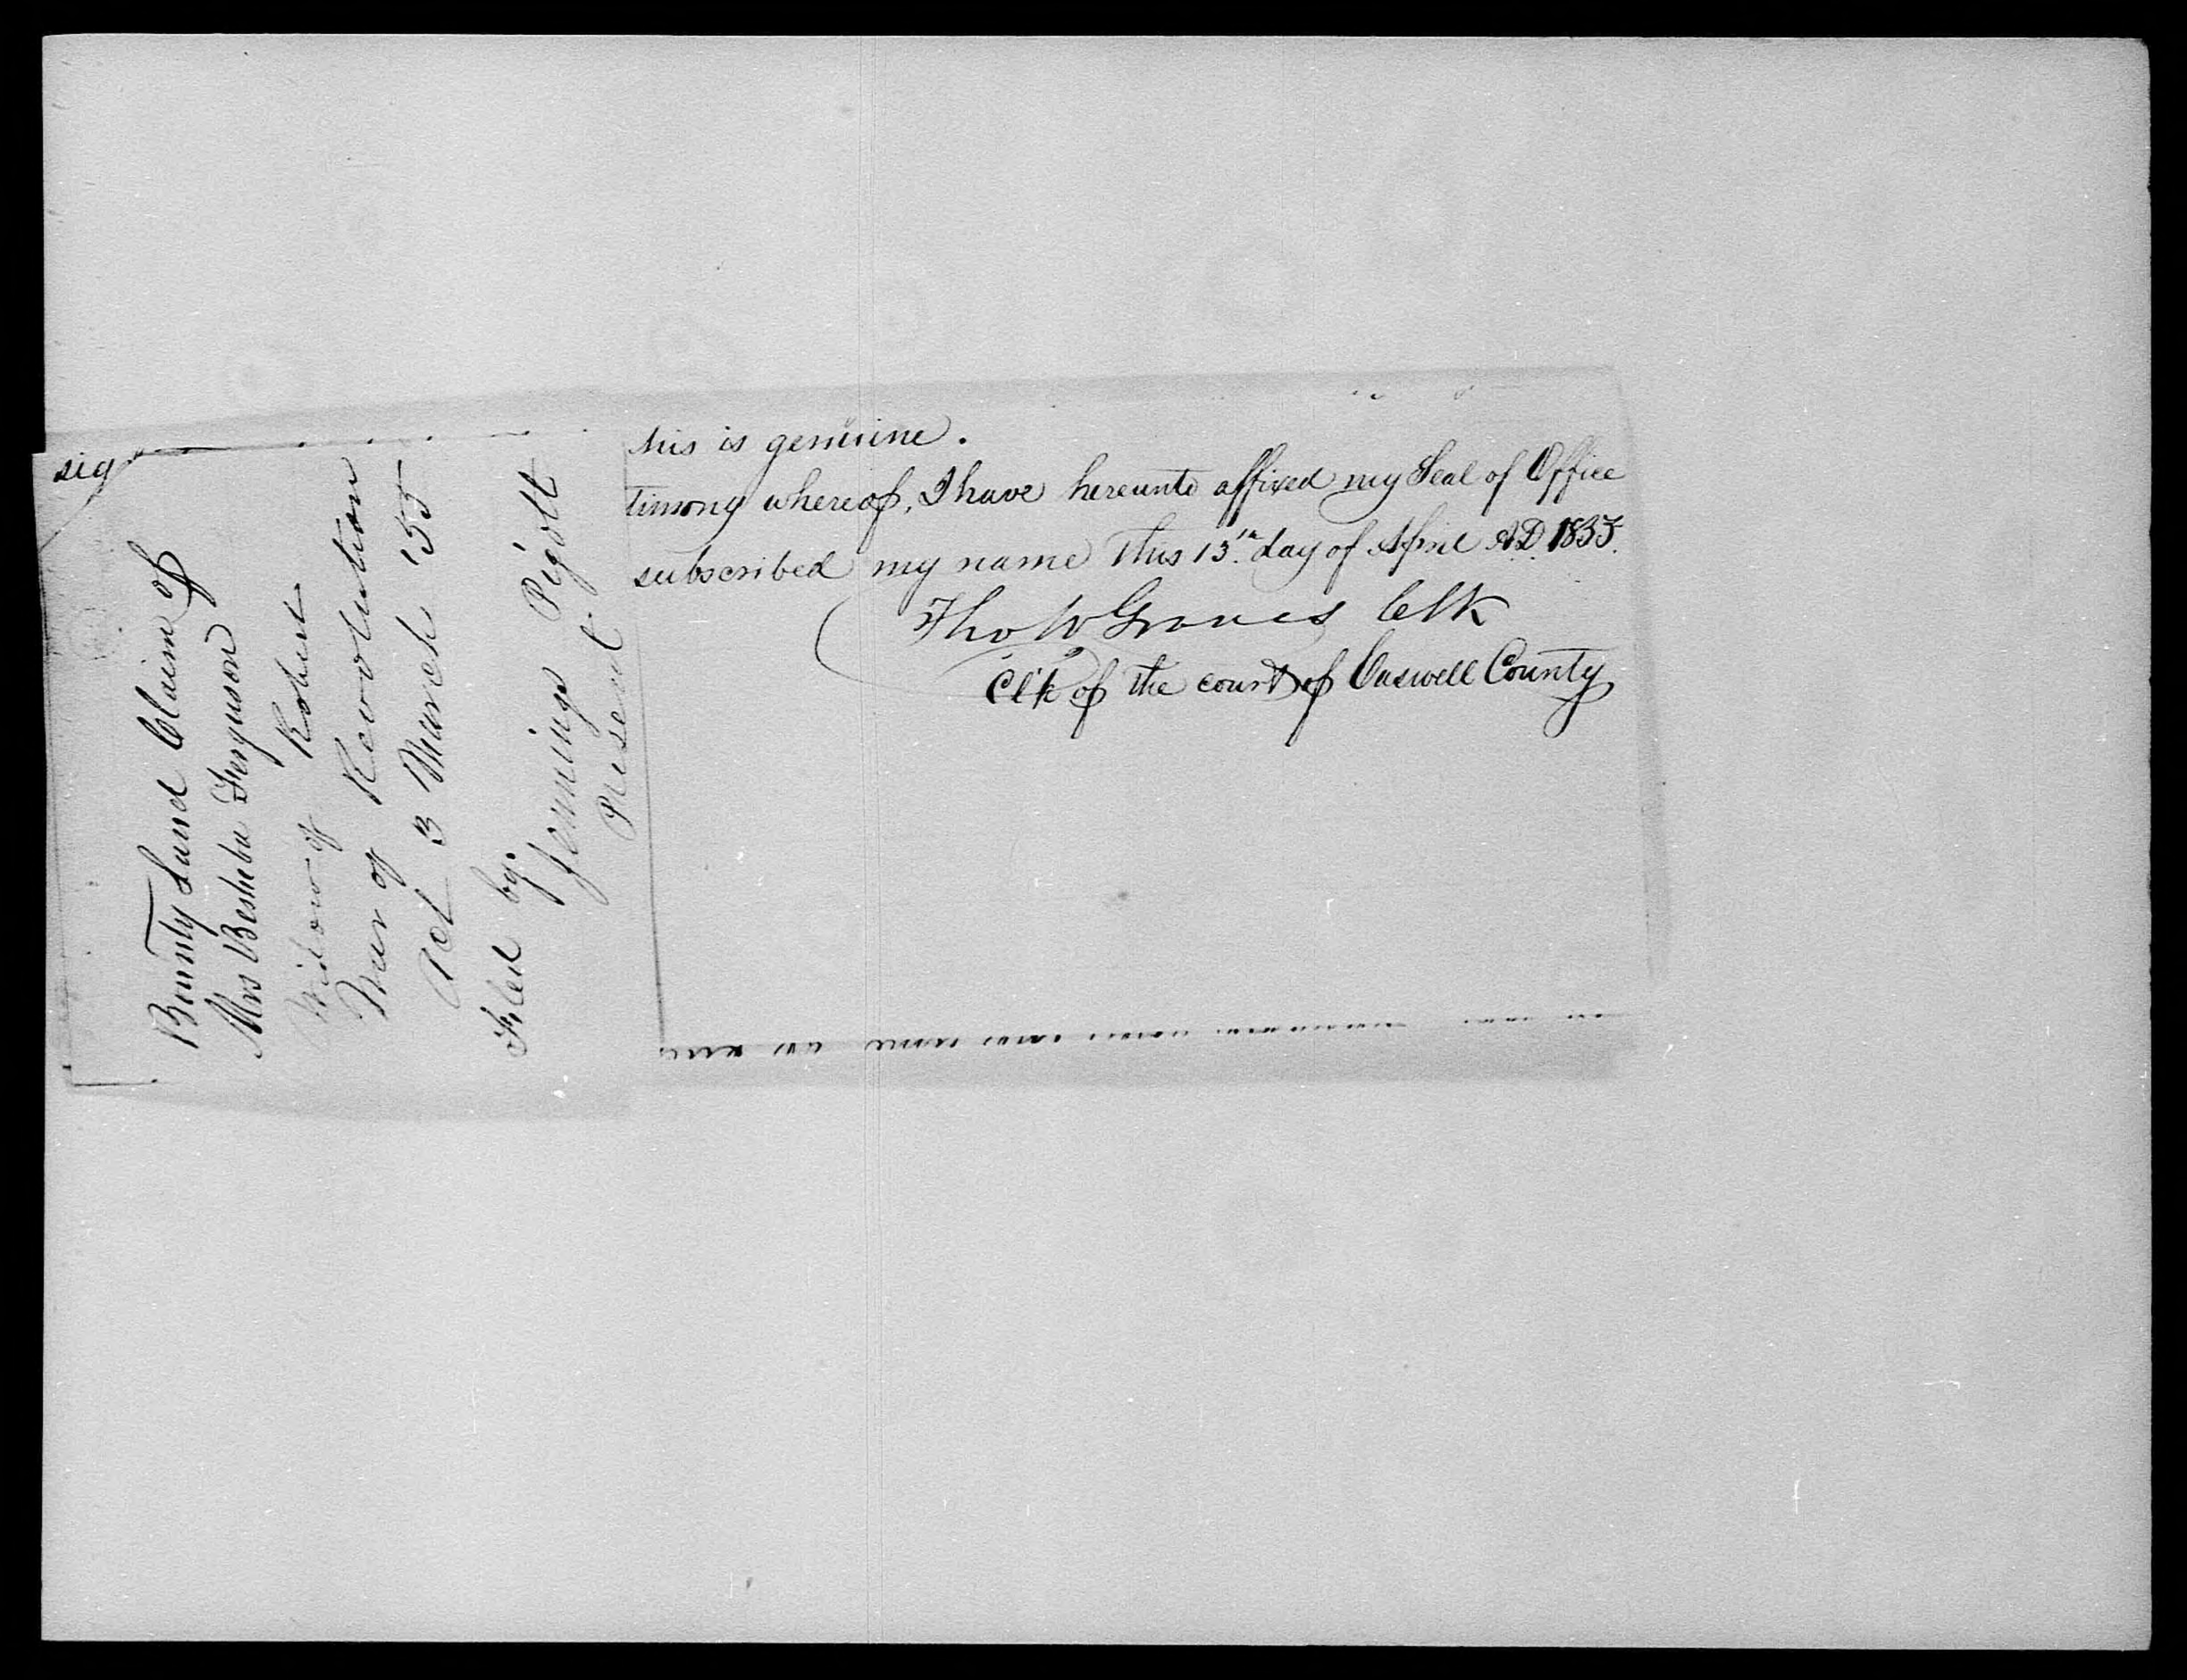Bounty Land Claim of Mrs. Besheba Ferguson
Widow of Robert
War of Revolution
Act 3 March '55
Filed by Jennings Pigott
Present

[text partially obstructed] ... this is genuine.
In testimony whereof, I have hereunto affixed my Seal of Office and subscribed my name this 15th day of April A.D. 1853.
Tho. W. Groves Clk
Cl'k of the court of Caswell County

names: Besheba Ferguson, Jennings Pigott, Tho W Groves, Robert Ferguson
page: 9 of 81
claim: widow's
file: W. 7262, Robert Ferguson, Va.